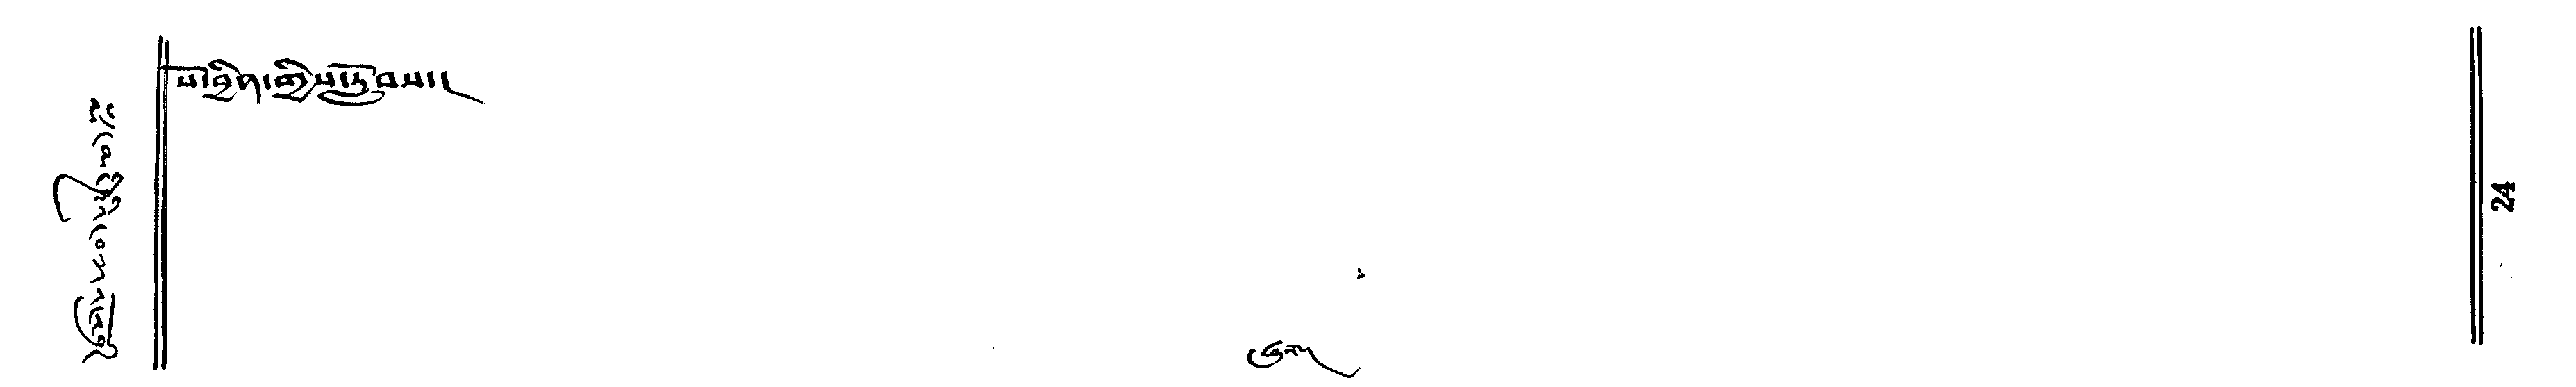སོ་བྱིན་གྱིས་རློབས།། ཞུས་སོ།། དགེའོ།།